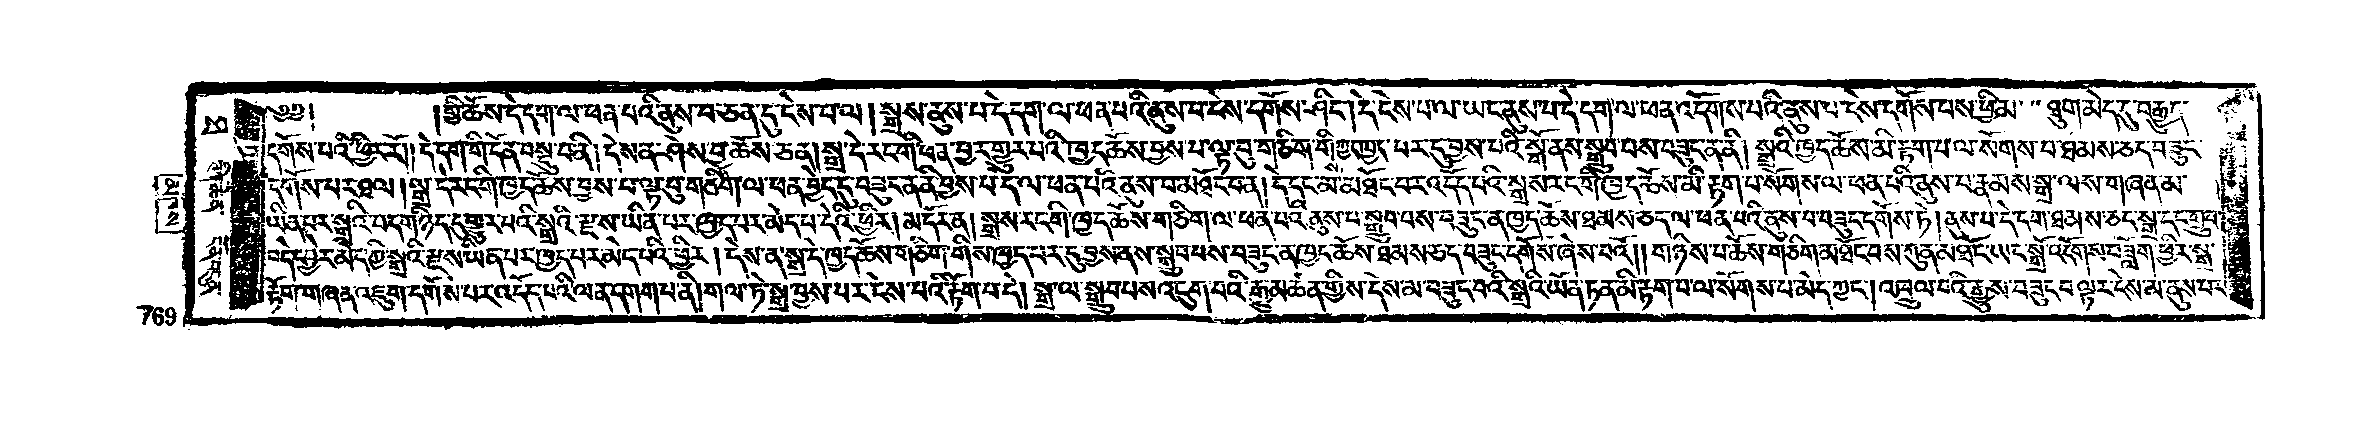༄༅། །གྱི་ཆོས་དེ་དག་ལ་ཕན་པའི་ནུས་པ་ཅན་དུ་ངེས་པ་ལ། སྒྲས་ནུས་པ་དེ་དག་ལ་ཕན་པའི་ནུས་པ་ངེས་དགོས་ཤིང་། དེ་ངེས་པ་ལ་ཡང་ནུས་པ་དེ་དག་ལ་ཕན་འདོགས་པའི་ནུས་པ་ངེས་དགོས་པས་ཕྱི་མ་ཐུག་མེད་དུ་བརྒྱུད་
དགོས་པའི་ཕྱིར་རོ། །དེ་དག་གི་དོན་བསྡུ་བ་ནི། དེས་ན་ཤེས་བྱ་ཆོས་ཅན། སྒྲ་དེ་རང་གི་ཕན་བྱར་གྱུར་པའི་ཁྱད་ཆོས་བྱས་པ་ལྟ་བུ་གཅིག་གིས་ཀྱང་ཁྱད་པར་དུ་བྱས་པའི་སྒོ་ནས་སྒྲུབ་པས་བཟུང་ན་ནི། སྒྲའི་ཁྱད་ཆོས་མི་རྟག་པ་ལ་སོགས་པ་ཐམས་ཅད་བཟུང་
དགོས་པར་ཐལ། སྒྲ་དེ་རང་གི་ཁྱད་ཆོས་བྱས་པ་ལྟ་བུ་གཅིག་ལ་ཕན་བྱེད་དུ་བཟུང་ན་ནི་བྱས་པ་དེ་ལ་ཕན་པའི་ནུས་པ་མཐོང་བ་ན། དེ་དང་མ་མཐོང་བར་འདོད་པའི་སྒྲས་རང་གི་ཁྱད་ཆོས་མི་རྟག་པ་སོགས་ལ་ཕན་པའི་ནུས་པ་རྣམས་སྒྲ་ལས་གཞན་མ་
ཡིན་པར་སྒྲའི་བདག་ཉིད་དུ་གྱུར་བའི་སྒྲའི་རྫས་ཡིན་པར་ཁྱད་པར་མེད་པ་དེའི་ཕྱིར། མདོར་ན། སྒྲས་རང་གི་ཁྱད་ཆོས་གཅིག་ལ་ཕན་པའི་ནུས་པ་སྒྲུབ་པས་བཟུང་ན་ཁྱད་ཆོས་ཐམས་ཅད་ལ་ཕན་པའི་ནུས་པ་བཟུང་དགོས་ཏེ། ནུས་པ་དེ་དག་ཐམས་ཅད་སྒྲ་དང་གྲུབ་
བདེ་དབྱེར་མེད་ཀྱི་སྒྲའི་རྫས་ཡིན་པར་ཁྱད་པར་མེད་པའི་ཕྱིར། དེས་ན་སྒྲ་དེ་ཁྱད་ཆོས་གཅིག་གིས་ཁྱད་པར་དུ་བྱས་ནས་སྒྲུབ་པས་བཟུང་ན་ཁྱད་ཆོས་ཐམས་ཅད་བཟུང་དགོས་ཞེས་པའོ། །གཉིས་པ་ཆོས་གཅིག་མཐོང་བས་ཀུན་མཐོང་ཡང་སྒྲོ་འདོགས་བཟློག་ཕྱིར་སྒྲ་
རྟོག་གཞན་འཇུག་དགོས་པར་འདོད་པའི་ལན་དགག་པ་ནི། གལ་ཏེ་སྒྲ་བྱས་པར་ངེས་པའི་རྟོག་པ་དེ། སྒྲ་ལ་སྒྲུབ་པས་འཇུག་པའི་རྒྱུ་མཚན་གྱིས་དེས་མ་བཟུང་བའི་སྒྲའི་ཡོན་ཏན་མི་རྟག་པ་ལ་སོགས་པ་མེད་ཀྱང་། འཁྲུལ་པའི་རྒྱུས་བཟུང་བ་ལྟར་ངེས་མ་ནུས་པར་